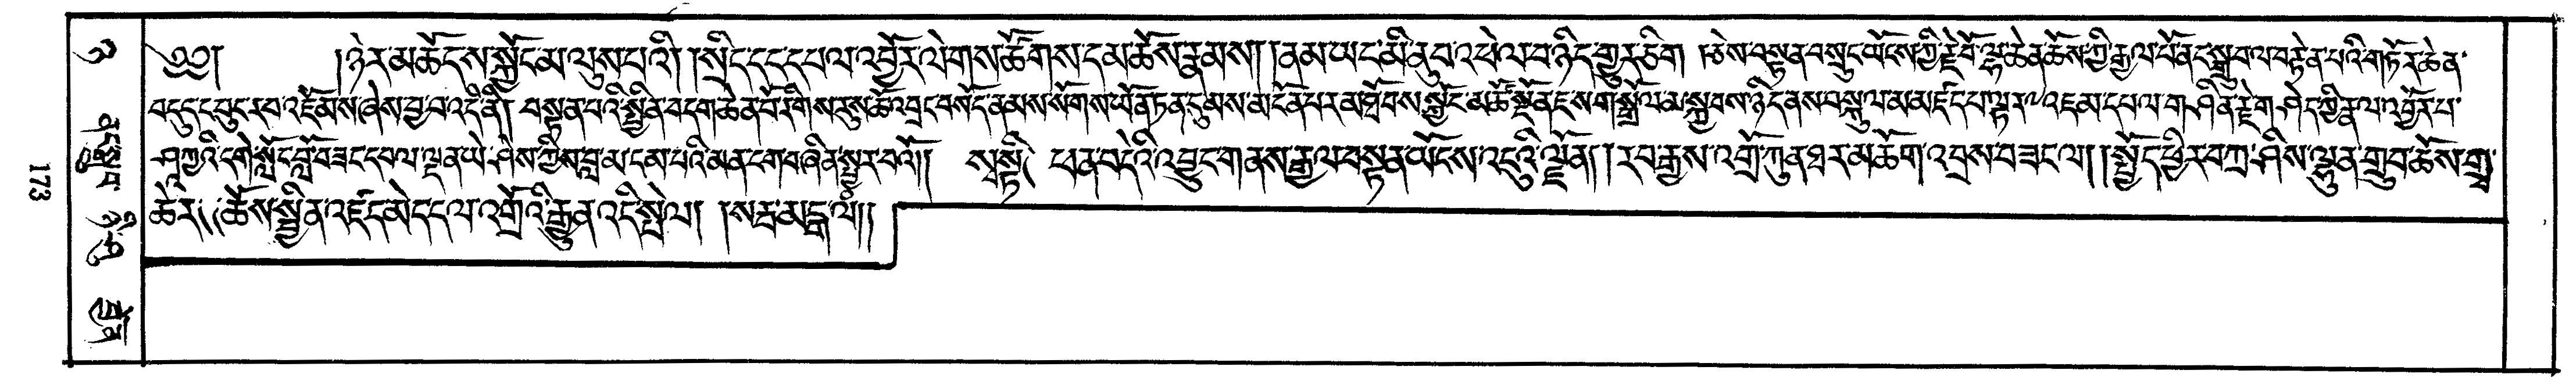༄༅། །ཉེར་མཆོད་ས་སྐྱོང་མ་ལུས་པའི། །སྲིད་དང་དཔལ་འབྱོར་ལེགས་ཚོགས་དམ་ཆོས་རྣམས། །ནམ་ཡང་མི་ནུབ་འཕེལ་བ་ཉིད་གྱུར་ཅིག །ཅེས་བསྟན་བསྲུང་ཡོངས་ཀྱི་རྗེ་བོ་ལྷ་ཆེན་ཆོས་ཀྱི་རྒྱལ་བོ་ནང་སྒྲུབ་ལ་བརྟེན་པའི་གཏོར་ཆེན་
བདུད་དབུང་རབ་འཇོམས་ཞེས་བྱ་བ་འདི་ནི། བསྟན་པའི་སྦྱིན་བདག་ཆེན་པོ་རིགས་རུས་ཆོ་འབྲང་བསོད་ནམས་སོགས་ཡོན་ཏན་དུ་མས་མངོན་པར་མཐོ་བ་ས་སྐྱོང་མཚོ་སྔོན་ཇ་སག་སྒྲོལ་མ་སྐྱབས་ཉིད་ནས་བསྐུལ་མ་མཛད་པ་ལྟར ༧འཇམ་དཔལ་གཤིན་རྗེ་གཤེད་ཀྱི་རྣལ་འབྱོར་བ་
ཤཱཀྱའི་དགེ་སློང་བློ་བཟང་དཔལ་ལྡན་ཡེ་ཤེས་ཀྱིས་བླ་མ་དམ་པའི་མན་ངག་བཞིན་སྦྱར་བའོ། །སྭ་སྟི༑ ཕན་བདེའི་འབྱུང་གནས་རྒྱལ་བསྟན་ཡོངས་འདུའི་ལྗོན། །རབ་རྒྱས་འགྲོ་ཀུན་ཐར་མཆོག་འབྲས་བཟང་ལ། །སྤྱོད་ཕྱིར་བཀྲ་ཤིས་ལྷུན་གྲུབ་ཆོས་གྲྭ་
ཆེར༑ ༑ཆོས་སྦྱིན་འཛད་མེད་དལ་འགྲོའི་རྒྱུན་འདི་སྤེལ། །སརྦ་མངྒ་ལཾ།། །།